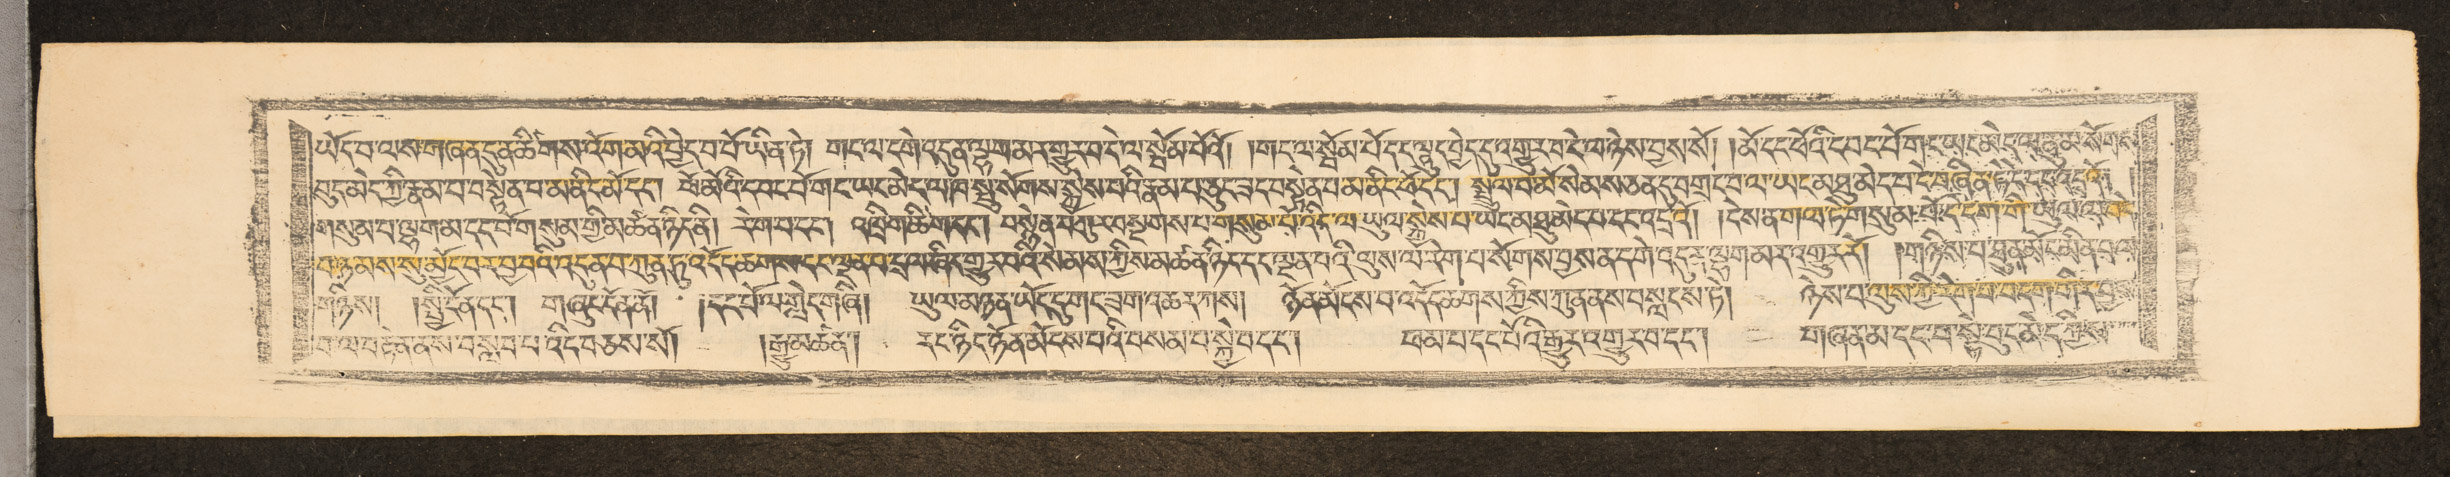ཡོད་པ་ལས་གཞན་དུ་ན་ཚིགས་འོག་མའི་བྱེད་པ་པོ་ཡིན་ཏེ། གང་ལ་དགེ་འདུན་ལྷག་མར་གྱུར་བ་དེ་ལ་སྦོམ་པོའོ། །གང་ལ་སྦོམ་པོ་དང་ལྟུང་བྱེད་དུ་འགྱུར་བ་དེ་ལ་ཉེས་བྱས་སོ། །མོ་དང་ཕོའི་དབང་པོ་གང་ཡང་མེད་ལ་ནུ་མ་སོགས་
བུད་མེད་ཀྱི་རྣམ་པ་བསྟེན་པ་མ་ནིང་མོ་དང་། ཕོ་མོའི་དབང་པོ་གང་ཡང་མེད་ལ་ཁ་སྤུ་སོགས་སྐྱེས་པའི་རྣམ་པ་ཅུང་ཟད་བསྟེན་པ་མ་ནིང་ཕོ་དང་། སྤྲུལ་པ་མོ་སེམས་ཅན་དུ་བགྲང་བ་ལ་ཡང་མཐུ་མེད་བ་དེ་བཞིན་ཏེ་དེ་དང་འདྲའོ།།
གསུམ་པ་ལྷག་མ་དང་པོ་གསུམ་གྱི་མཚན་ཉིད་ནི། རེག་པ་དང་། འཁྲིག་ཚིག་དང་། བསྙེན་བཀུར་བསྔགས་པ་གསུམ་པོ་འདི་ལ་ཡུལ་སྐྱེས་པ་ཡང་མཐུ་མེད་པ་དང་འདྲའོ། །དེས་ན་གལ་ཏེ་གསུམ་པོ་དེ་དག་གི་ཡུལ་ལ་བདེ་
བ་ཉམས་སུ་མྱོང་བར་བྱ་བའི་འདུན་པ་ཀུན་ཏུ་འདོད་ཆགས་དང་ལྡན་པ་དྲལ་ཞིང་གྱུར་བའི་སེམས་ཀྱིས་མཚན་ཉིད་དང་ལྡན་པའི་ལུས་ལ་རེག་པ་སོགས་བྱས་ན་དགེ་འདུན་ལྷག་མར་འགྱུར་རོ། །གཉིས་པ་ཐུན་མོང་མིན་པ་ལ་
གཉིས། །སྤྱི་དོན་དང་། གཞུང་དོན་ནོ། །དང་པོ་ལ་གླེང་གཞི། ཡུལ་མཉན་ཡོད་དུ་གང་ཟག་འཆར་ཀས། ཉོན་མོངས་པ་འདོད་ཆགས་ཀྱིས་ཀུན་ནས་བསླངས་ཏེ། ཉེས་པ་ལུས་ཀྱི་རེག་པ་བདག་གིར་བྱས་
པ་ལ་བརྟེན་ནས་བསླབ་པ་འདི་བཅས་སོ། །རྒྱུ་མཚན། རང་ཉིད་ཉོན་མོངས་པའི་བསམ་པ་སྐྱེ་བ་དང་། ཕམ་པ་དང་པོའི་རྒྱུར་འགྱུར་བ་དང་། གཞན་མ་དང་པ་སྟེ་བུད་མེད་ཀྱིས་